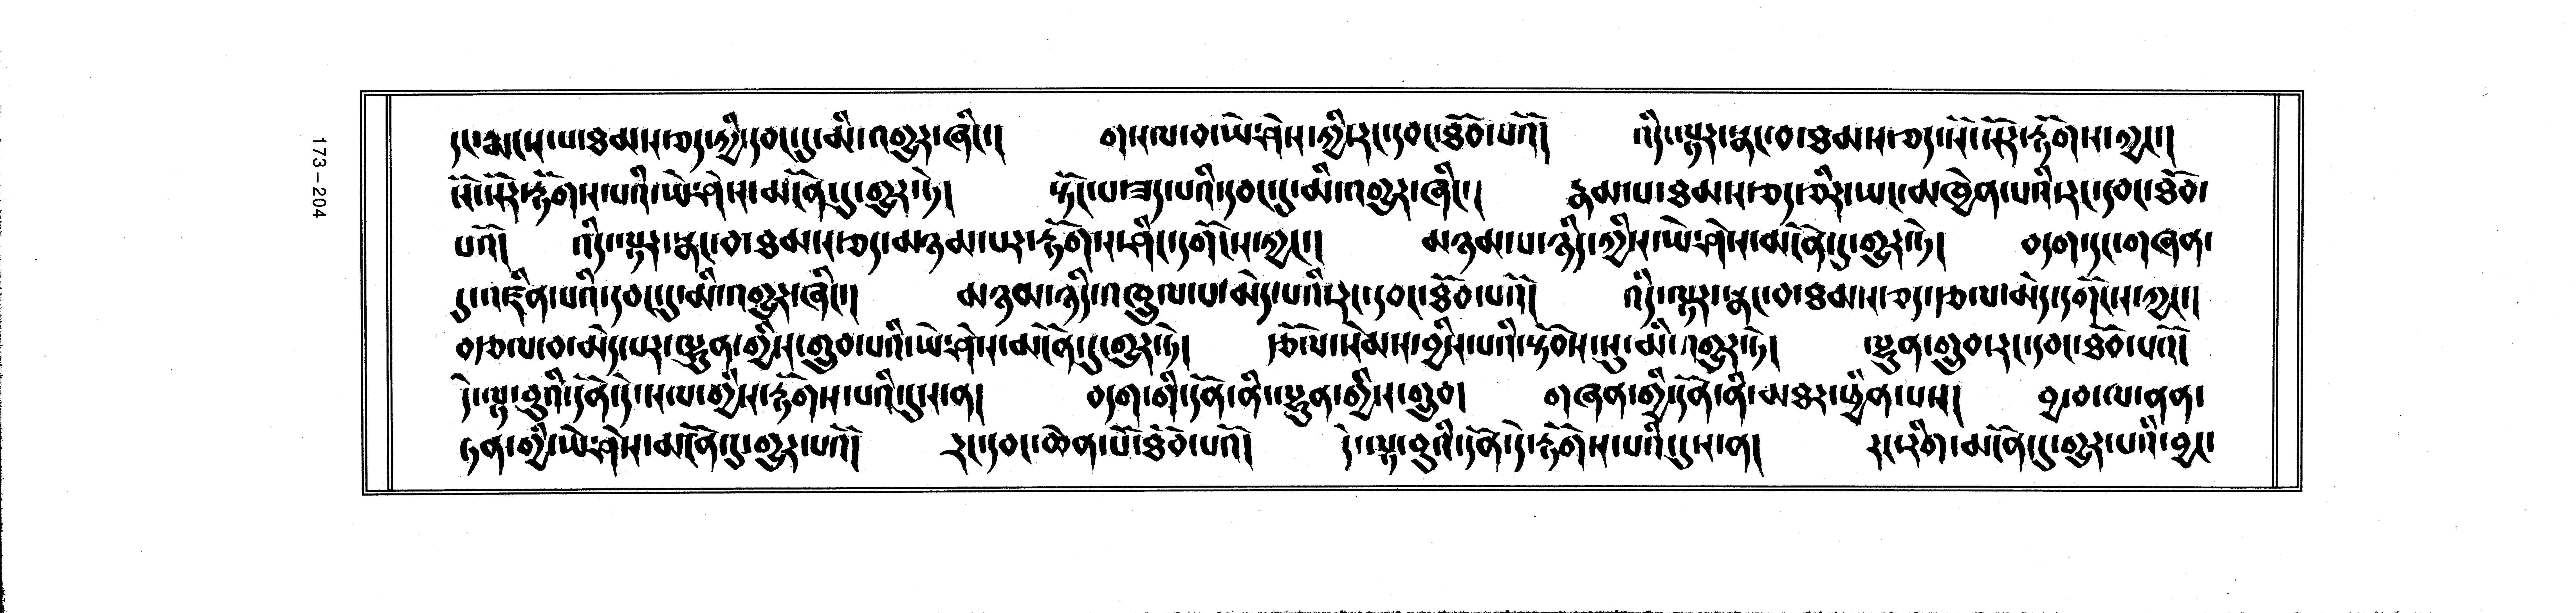དང་རྨོངས་པ་ཐམས་ཅད་ཀྱི་དབང་དུ་མི་འགྱུར་ཞིང་། གསལ་བ་ཡེ་ཤེས་ཀྱི་རང་དབང་ཐོབ་པའོ། །འདི་ལྟར་སྣང་བ་ཐམས་ཅད་སོ་སོར་རྟོགས་ཀྱང་། 
སོ་སོར་རྟོགས་པའི་ཡེ་ཤེས་མངོན་དུ་གྱུར་ཏེ། སྟོང་པ་ཟད་པའི་དབང་དུ་མི་འགྱུར་ཞིང་། རྣམ་པ་ཐམས་ཅད་ཅིར་ཡང་མཁྱེན་པའི་རང་དབང་ཐོབ་
པའོ། །འདི་ལྟར་སྣང་བ་ཐམས་ཅད་མཉམ་པར་རྟོགས་ཤིང་དགོངས་ཀྱང་། མཉམ་པ་ཉིད་ཀྱི་ཡེ་ཤེས་མངོན་དུ་གྱུར་ཏེ། བདག་དང་གཞན་
དུ་འཛིན་པའི་དབང་དུ་མི་འགྱུར་ཞིང་། མཉམ་ཉིད་འཁྲུལ་པ་མེད་པའི་རང་དབང་ཐོབ་པའོ། །འདི་ལྟར་སྣང་བ་ཐམས་ཅད་རྩལ་མེད་དགོངས་ཀྱང་། 
བརྩལ་བ་མེད་པར་ལྷུན་གྱིས་གྲུབ་པའི་ཡེ་ཤེས་མངོན་དུ་གྱུར་ཏེ། རྩོལ་སེམས་བྱིས་པའི་སྟོབས་སུ་མི་འགྱུར་ཏེ། ལྷུན་གྲུབ་རང་དབང་ཐོབ་པའོ། 
དེ་ལྟ་བུའི་དོན་དེ་སལ་གྱིས་རྟོགས་པའི་དུས་ན། བདག་གི་དོན་ལྷུན་གྱིས་གྲུབ། གཞན་གྱི་དོན་མཐར་ཕྱིན་པས། བྱ་བ་ལ་ནན་
ཏན་གྱི་ཡེ་ཤེས་མངོན་དུ་གྱུར་པའོ། །རང་དབང་ཆེན་པོ་ཐོབ་པའོ། །དེ་ལྟ་བུའི་དོན་དེ་རྟོགས་པའི་དུས་ན། རང་རིག་མངོན་དུ་གྱུར་པའི་བྱང་